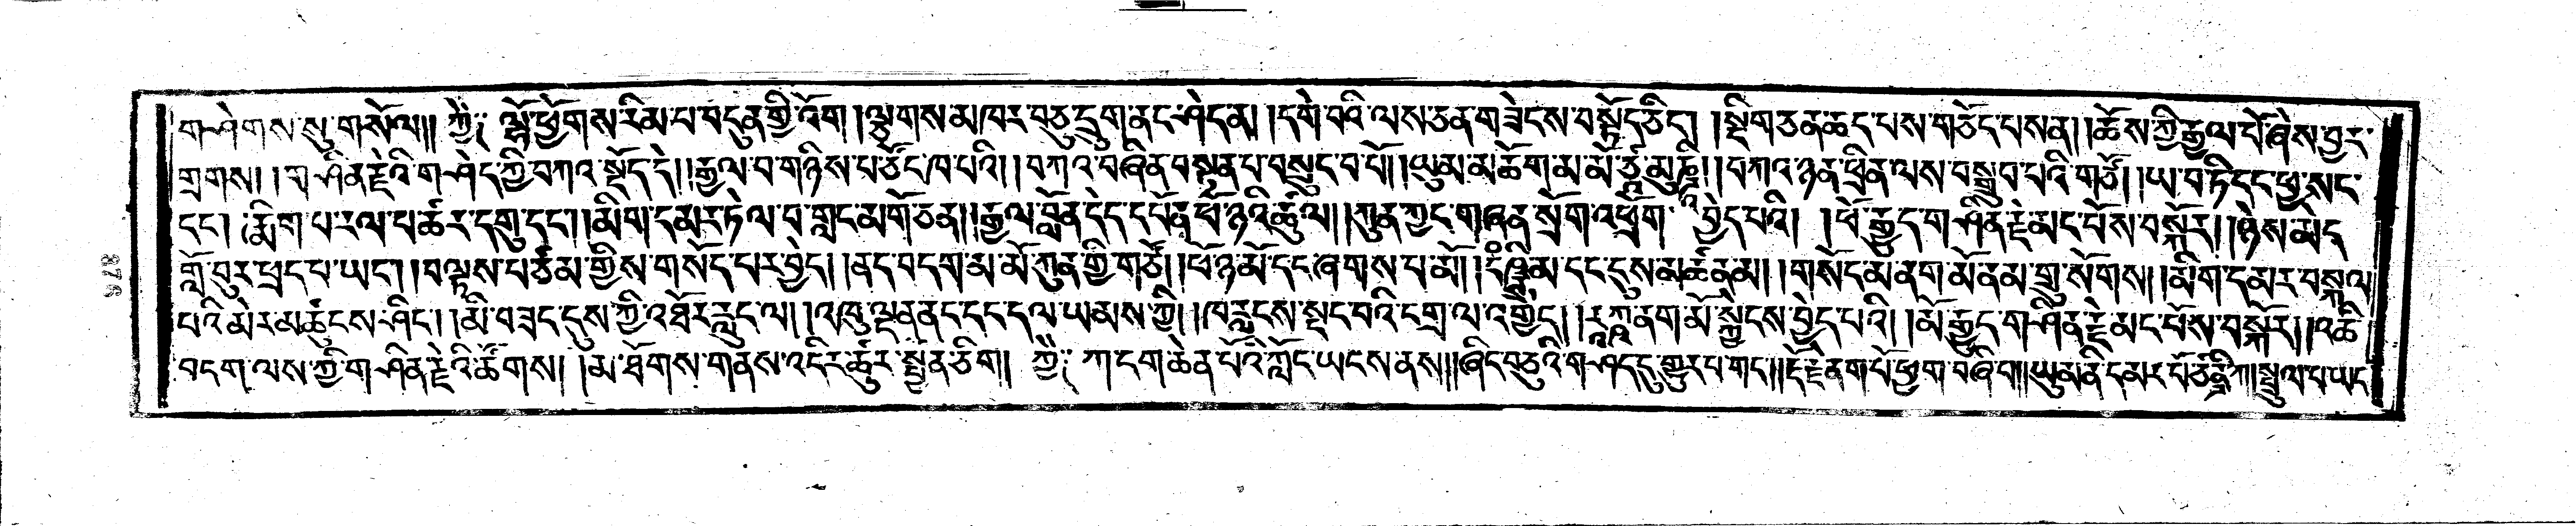གཤེགས་སུ་གསོལ།། ཀྱཻ༑ ལྷོ་ཕྱོགས་རིམ་པ་བདུན་གྱི་འོག །ལྕགས་མཁར་བཅུ་དྲུག་ནང་ཤེད་ན། །དགེ་བའི་ལས་ཅན་གཟེངས་བསྟོད་ཅིང་། །སྡིག་ཅན་ཆད་པས་གཅོད་པས་ན། །ཆོས་ཀྱི་རྒྱལ་པོ་ཞེས་བྱར་
གྲགས། །གཤིན་རྗེའི་གཤེད་ཀྱི་བཀའ་སྡོད་དེ། །རྒྱལ་བ་གཉིས་པ་ཙོང་ཁ་པའི། །བཀའ་བཞིན་བསྟན་པ་བསྲུང་བ་པོ། །ཡུམ་མཆོག་མ་མོ་ཙཱ་མུཎྜཱི། །བཀའ་ཉན་ཕྲིན་ལས་བསྒྲུབ་པའི་གཙོ། །ཡ་བ་ཏི་དང་ཕྱ་སང་
དང་། །རྨིག་པ་རལ་པ་ཚར་དགུ་དང་། །མིག་དམར་ཏེལ་བ་གླང་མགོ་ཅན། །རྒྱལ་བློན་དེད་དཔོན་ཕོ་ཉའི་ཚུལ། །ཀུན་ཀྱང་གཞན་སྲོག་འཕྲོག་བྱེད་པའི། །ཕོ་རྒྱུད་གཤིན་རྗེ་མང་པོས་བསྐོར། །ཉེས་མེད་
གློ་བུར་ཕྲད་པ་ཡང་། །བལྟས་པ་ཙམ་གྱིས་གསོད་པར་བྱེད། །ནད་བདག་མ་མོ་ཀུན་གྱི་གཙོ། །ཕོ་ཉ་མོ་དང་ཞགས་པ་མོ། །དཾཥྚྲི་མ་དང་དུས་མཚན་མ། །གསོད་མ་ནག་མོ་ནམ་གྲུ་སོགས། །མིག་དམར་བསྐལ་
པའི་མེར་མཚུངས་ཤིང་། །མི་བཟད་དུས་ཀྱི་འཐོར་རླུང་ལ། །འཁུ་ལྡན་ནད་དང་དལ་ཡམས་ཀྱི། །ཁ་རླངས་སྡང་བའི་དགྲ་ལ་འགྱེད། །རཱཀྵ་ནག་མོ་སྐྱོངས་བྱེད་པའི། །མོ་རྒྱུད་གཤིན་རྗེ་མང་པོས་བསྐོར། །འཆི་
བདག་ལས་ཀྱི་གཤིན་རྗེའི་ཚོགས། །མ་ཐོགས་གནས་འདིར་ཚུར་སྤྱོན་ཅིག །ཀྱཻ༑ ཀ་དག་ཆེན་པོའི་ཀློང་ཡངས་ནས། །ཞིང་བཅུའི་གཤེད་དུ་གྱུར་པ་གང་། །རྡོ་རྗེ་ནག་པོ་ཕྱག་བཞི་པ། །ཡུམ་ནི་དམར་པོ་ཙནྜི་ཀ །སྤྲུལ་པ་ཡང་